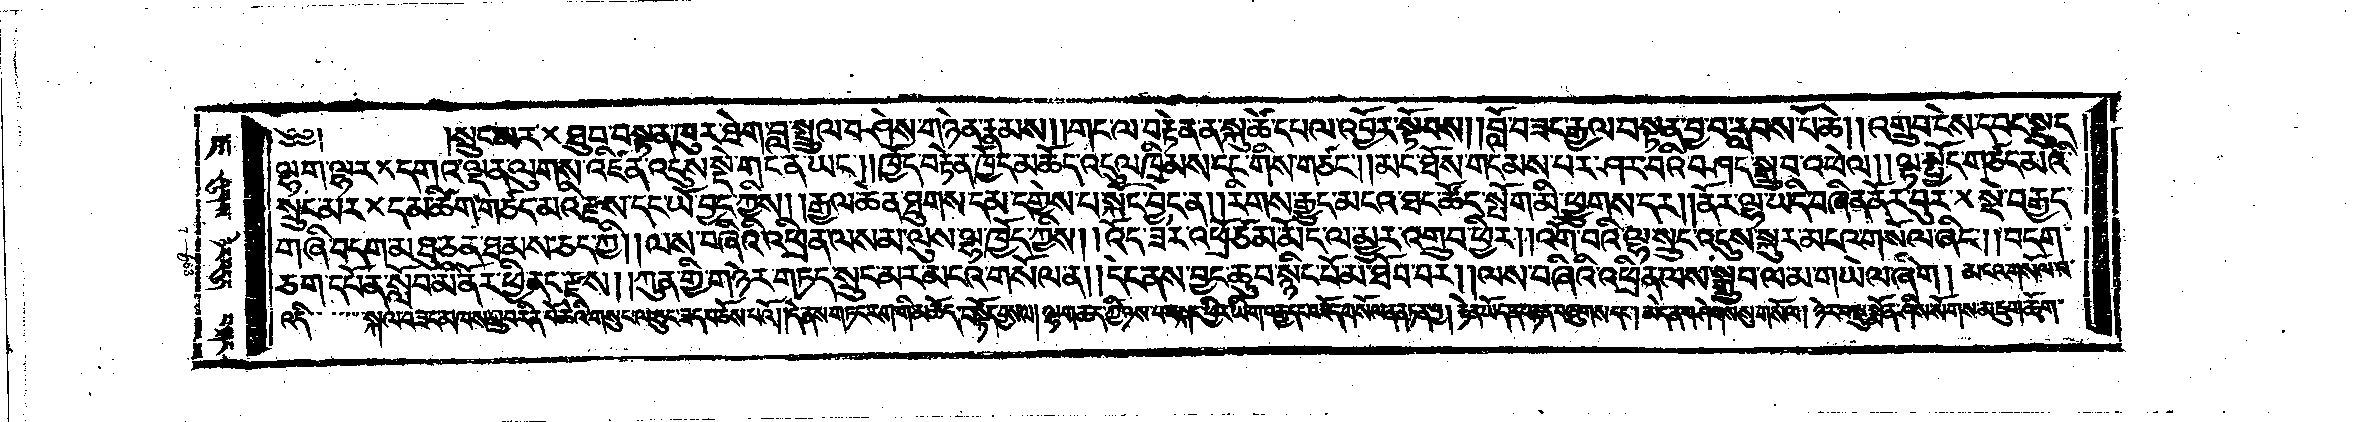༄༅། །སྲུང་མར྾་ཐུབ་བསྟན་ཁུར་ཐིག་བླ་སྤྲུལ་བཤེས་གཉེན་རྣམས། །གང་ལ་བརྟེན་ན་སྐུ་ཚེ་དཔལ་འབྱོར་སྟོབས། །བློ་བཟང་རྒྱལ་བསྟན་བྱ་བ་རླབས་པོ་ཆེ། །འགྲུབ་ངེས་དབང་སྡུད་
ལྷག་ལྷར྾་དགའ་ལྡན་ལུགས་འཛིན་འདུས་སྔོ་གང་ན་ཡང་། །ཁྱོད་བརྟེན་ཁྱོད་མཆོད་འདུལ་ཁྲིམས་ངང་གིས་གཙང་། །མང་ཐོས་གདམས་པར་ཤར་བའི་བཤད་སྒྲུབ་འཕེལ། །ལྟ་སྤྱོད་གཙང་མའི་
སྲུང་མར་྾་དམ་ཚིག་གཙང་མའི་རྫས་དང་ཡོ་བྱད་ཀྱིས། །རྒྱལ་ཆེན་ཐུགས་དམ་དགྱེས་པ་སྐོད་བྱེད་ན། །རིགས་རྒྱུད་མངའ་ཐད་ཆོད་སྤོག་མི་ཕྱུགས་ནར། །ནོར་ལྷ་ཡིད་བཞིན་ནོར་བུར྾་སྡེ་བརྒྱད་
གཞི་བདག་མཐུ་ཅན་ཐམས་ཅད་ཀྱི། །ལས་བཞིའི་འཕྲིན་ལས་མ་ལུས་ལྷ་ཁྱོད་ཀྱིས། །འོད་ཟེར་འཕྲོ་ཙམ་མོད་ལ་མྱུར་འགྲུབ་ཕྱིར། །འོག་བའི་ལྷ་སྲུང་འདུས་སྐུར་མངའ་གསོལ་ཞིང་། །བདག་
ཅག་དཔོན་སློབ་མི་ནོར་ཕྱི་ནང་རྫས། །ཀུན་གྱི་གཉེར་གཏད་སྲུང་མར་མངའ་གསོལ་ན། །དེང་ནས་བྱང་ཆུབ་སྙིང་པོ་མ་ཐོབ་བར། །ལས་བཞིའི་འཕྲིན་ལས་སྒྲུབ་ལ་མ་གཡེལ་ཞིག ། མངའ་གསོལ་བ་
འདི་སྐལ་བཟང་མཁས་གྲུབ་རིན་པོ་ཆེའི་གསུང་ལ་ཅུང་ཟད་བཅོས་པའོ། །དེ་ནས་གཏང་རག་གི་མཆོད་བསྟོད་བྱས་ལ། ལྷག་ཆད་ཀྱི་ཉེས་པ་བསྐང་ཕྱིར་ཡིག་བྲྱྒ་དང་བཟོད་གསོལ་ནན་ཏན་བྱ། རྟེན་ཡོད་ན་ལྷན་བཞུགས་དང་། མེད་ན་གཤེགས་སུ་གསོལ། ཉེར་བསྡུ་སྨོན་ཤིས་སོགས་མཇུག་ཆོག་